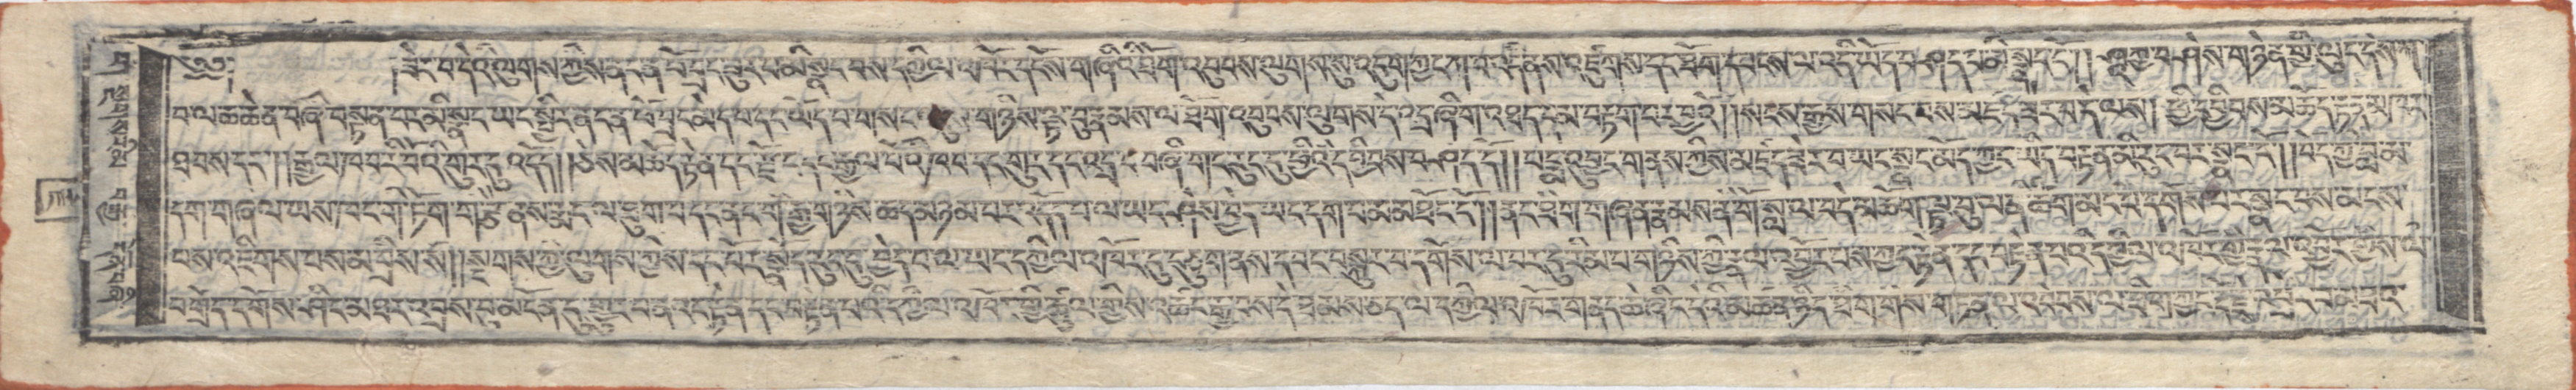༄༅། །ཟེར་བ་དེའི་ལུགས་ཀྱིས་ནང་ན་ཕོ་བྲང་ཟུར་པ་མི་སྣང་བས་དཀྱིལ་འཁོར་དངོས་གཞིའི་ཐོག་འབུབས་ལུགས་སུ་འདུག་ཀྱང་ཀ་བ་འདི་ནས་འཛུགས་དང་ཐོག་དཔངས་ལ་འདི་ཡོད་བཤད་པ་མི་སྣང་ངོ། །ཤཱཀྱ་བཤེས་གཉེན་གྱི་ལུང་དེས་ཀ་?
བ་ལ་ཆ་ཆེན་བཞི་བསྟན་པར་མི་སྣང་ཡང་སྤྱིར་ནང་ན་ཕོ་བྲང་མེད་པ་དང་ཡོད་པ་གསང་འདུས་གཉིས་ལྟ་བུ་རྣམས་ལ་ཐོག་འབུབས་ལུགས་དེ་འདྲ་ཞིག་འཐད་དམ་བརྟག་པར་བྱའོ། །སངས་རྒྱས་གསང་བས་མཛད་ཟེར་བ་དེ་ལས། ཕྱི་དབྱིབས་མཆོད་རྟེན་མཁར་
ཐབས་དང་། །རྒྱལ་ཁབ་རི་བོའི་གུར་དུ་འདོད། །ཅེས་མཆོད་རྟེན་དང་རྫོང་དང་རྒྱལ་པོའི་ཁབ་དང་གུར་དང་འདྲ་བ་བཞི་གང་རུང་དུ་ཕྱིའི་དབྱིབས་བཤད་དོ། །པདམ་འབྱུང་གནས་ཀྱིས་མཛད་ཟེར་བ་ཡང་སྣང་མོད་ཀྱང་ཡིད་བརྟན་མི་རུང་བར་སྣང་ངོ། །བོད་ཀྱི་བླ་མ་
དག་གཞལ་ཡས་ཁང་གི་ཏོག་གི་རྩེ་ནས་རྨད་ལ་ཐུག་པ་དང་ནང་གི་རྒྱ་གཉིས་ཚད་མཉམ་པར་འདོད་པ་ལ་ཡང་ཤེས་བྱེད་ཡང་དག་པ་མ་མཐོང་ངོ། །ནང་ཐིག་གཞན་རྣམས་ནི་གོ་སླ་ལ་བདེ་མཆོག་ལྟ་བུ་ལ་ནི་ཚིག་མང་པོ་དགོས་པར་སྣང་བས་མངས་
པས་འཇིགས་པས་མ་བྲིས་སོ། །སྔགས་ཀྱི་ལུགས་ཀྱིས་དང་པོར་སྣོད་རུང་དུ་བྱེད་པ་ལ་ཡང་དཀྱིལ་འཁོར་དུ་བཅུག་ནས་དབང་བསྐུར་བ་དགོས་ལ་བར་དུ་རིམ་པ་གཉིས་ཀྱི་རྣལ་འབྱོར་པས་ཀྱང་རྟེན་དང་བརྟེན་པའི་དཀྱིལ་འཁོར་གྱི་རྣལ་འབྱོར་གྱིས་ལམ་
བགྲོད་དགོས་ཤིང་མཐར་འབྲས་བུ་མངོན་དུ་གྱུར་པ་ནའང་རྟེན་དང་བརྟེན་པའི་དཀྱིལ་འཁོར་གྱི་ཚུལ་གྱིས་འཚང་རྒྱ་བས་དེ་ཐམས་ཅད་ལ་དཀྱིལ་འཁོར་གནད་ཆེ་ཞིང་དེའི་མཚན་ཉིད་ཐིག་གིས་གཏན་ལ་འབེབས་ལ་ཐིག་ཀྱང་རྡོ་རྗེ་འཕྲེང་བ་མཐའ་